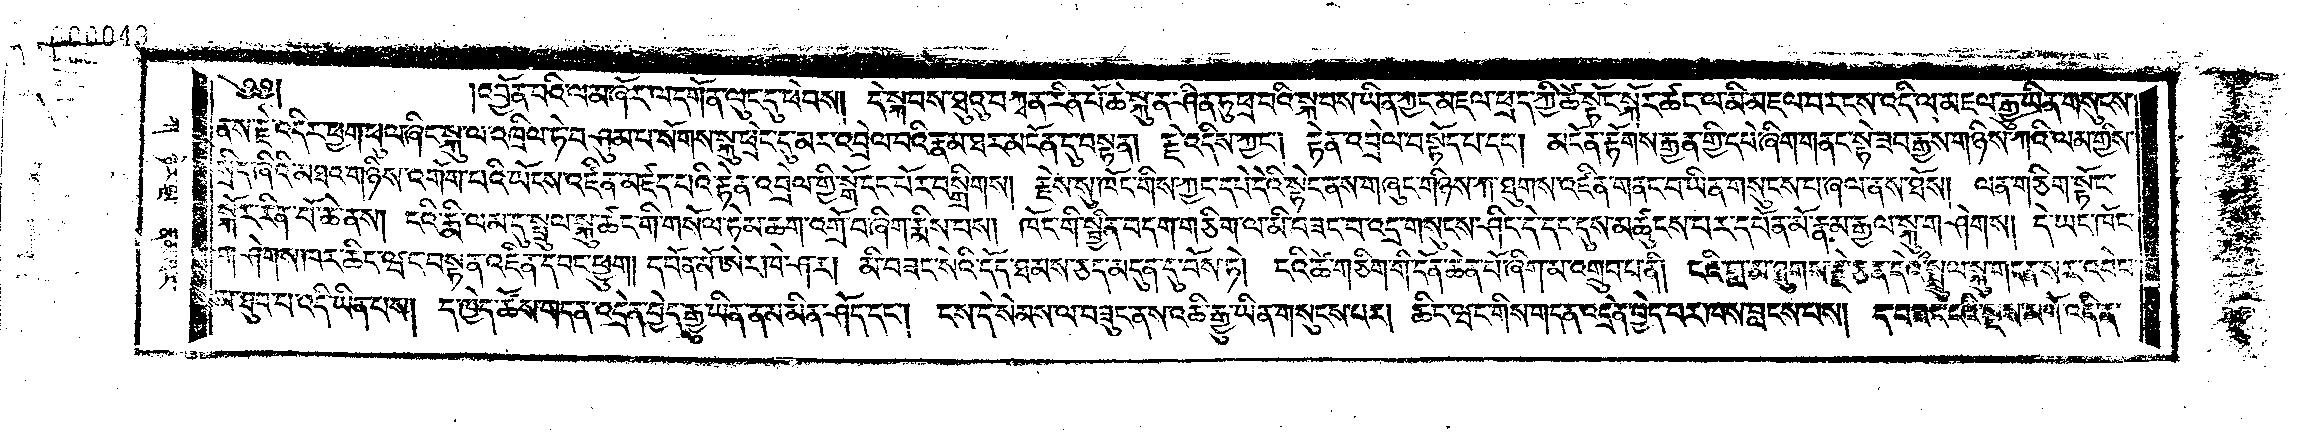༄༅། །འབྱོན་པའི་ལམ་ཞོར་ལ་དགོན་ལུང་དུ་ཕེབས། དེ་སྐབས་ཐུའུ་བཀྭན་རིན་པོ་ཆེ་སྐུ་ན་ཤིན་ཏུ་ཕྲ་བའི་སྐབས་ཡིན་ཀྱང་མཇལ་ཕྲད་ཀྱི་ཚེ་སྟོང་སྐོར་ཚང་ལ་མི་མཇལ་བར་ངས་འདི་ལ་མཇལ་རྒྱུ་ཡིན་གསུངས་
ནས་རྗེ་འདིར་ཕྱག་ཕུལ་ཞིང་སྐུ་ལ་འཁྲིལ་ཏེ་བཤུམ་པ་སོགས་སྐུ་ཕྲེང་དུ་མར་འབྲེལ་བའི་རྣམ་ཐར་མངོན་དུ་བསྟན། རྗེ་འདིས་ཀྱང་། རྟེན་འབྲེལ་བསྟོད་པ་དང་། མངོན་རྟོགས་རྒྱན་གྱི་དཔེ་ཞིག་གནང་སྟེ་ཟབ་རྒྱས་གཉིས་ཀའི་ལམ་གྱིས་
སྲིད་ཞིའི་མཐའ་གཉིས་འགོག་པའི་ཡོངས་འཛིན་མཛད་པའི་རྟེན་འབྲེལ་གྱི་སྒོ་དང་པོར་བསྒྲིགས། རྗེས་སུ་ཁོང་གིས་ཀྱང་དཔེ་དེའི་སྟེང་ནས་གཞུང་གཉིས་ཀ་ཐུགས་འཛིན་གནང་བ་ཡིན་གསུངས་པ་ཞལ་ནས་ཐོས། ལན་གཅིག་སྟོང་
སྐོར་རིན་པོ་ཆེ་ནས། ངའི་རྨི་ལམ་དུ་སྤྲུལ་སྐུ་ཚང་གི་གསོལ་ཏེ་མ་ཆག་འགྲོ་བ་ཞིག་རྨིས་པས། ཁོང་གི་སྦྱིན་བདག་གཅིག་ལ་མི་བཟང་བ་འདྲ་གསུངས་ཤིང་དེ་དང་དུས་མཚུངས་པར་དཔོན་མོ་རྣམ་རྒྱལ་སྐུ་གཤེགས། དེ་ཡང་ཁོང་
གཤེགས་ཁར་ཆིང་ཝང་བསྟན་འཛིན་དབང་ཕྱུག། དཔོན་མོ་ཨེར་ཁེ་ཤ་ར། མི་བཟང་སེའི་དོད་ཐམས་ཅད་མདུན་དུ་བོས་ཏེ། ངའི་ཚེ་གཅིག་གི་དོན་ཆེན་པོ་ཞིག་མ་འགྲུབ་པ་ནི། ངའི་བླ་མ་ཐུགས་རྗེ་ཅན་དེཨཱྀ་སྤྲུལ་སྐུ་གདན་སར་འབེབས་
མ་ཐུབ་པ་འདི་ཡིན་པས། ད་ཁྱེད་ཚོས་གདན་འདྲེན་བྱེད་རྒྱུ་ཡིན་ནམ་མིན་ཤོད་དང་། ངས་དེ་སེམས་ལ་བཟུང་ནས་འཆི་རྒྱུ་ཡིན་གསུངས་པར། ཆིང་ཝང་གིས་གདན་འདྲེན་བྱེད་པར་ཁས་བླངས་པས། ད་བཟང་ངའི་སྔས་མགོ་འདི་ན་